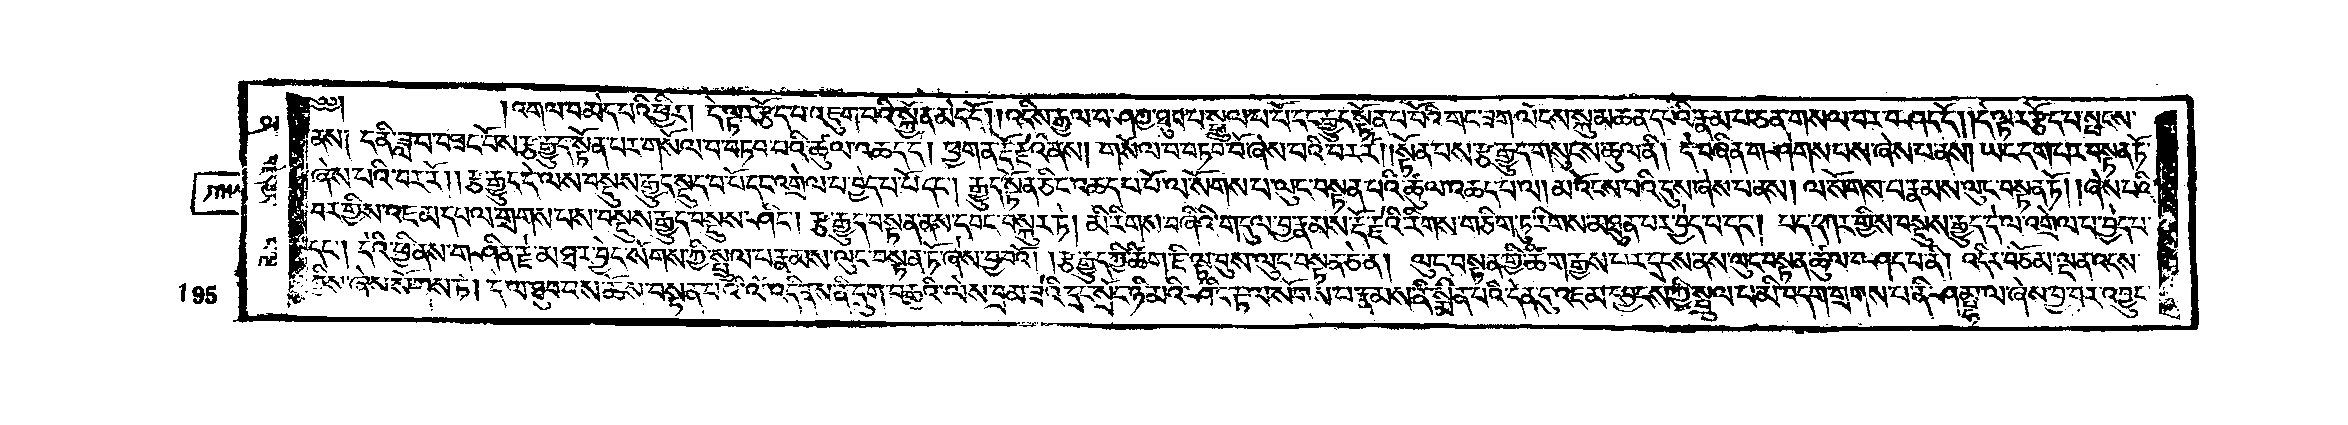༄༅། །འགལ་བ་མེད་པའི་ཕྱིར། དེ་ལྟར་རྩོད་པ་འཇུག་པའི་སྐྱོན་མེད་དོ། །འདིས་རྒྱལ་བ་ཤཱཀྱ་ཐུབ་པ་སྤྲུལ་པ་པོ་དང་རྒྱུད་སྟོན་པ་པོའི་གང་ཟག་ལོང་སྐུ་མཚན་དཔེའི་རྣམ་པ་ཅན་གསལ་བར་བཤད་དོ། །དེ་ལྟར་རྩོད་པ་སྤངས་
ནས། ད་ནི་ཟླ་བ་བཟང་པོས་རྩ་རྒྱུད་སྟོན་པར་གསོལ་བ་བཏབ་པའི་ཆུལ་འཆད་དེ། ཕྱག་ན་རྡོ་རྗེའི་ནས། གསོལ་བ་བཏབ་བོ་ཞེས་པའི་བར་རོ། །སྟོན་པས་རྩ་རྒྱུད་གསུངས་ཚུལ་ནི། དེ་བཞིན་གཤེགས་པས་ཞེས་པ་ནས། ཡང་དག་པར་བསྟན་ཏོ་
ཞེས་པའི་བར་རོ། །རྩ་རྒྱུད་དེ་ལས་བསྡུས་རྒྱུད་སྡུད་པ་པོ་དང་འགྲེལ་པ་བྱེད་པ་པོ་དང་། རྒྱུད་སྟོན་ཅིང་འཆད་པ་པོ་ལ་སོགས་པ་ལུང་བསྟན་པའི་ཚུལ་འཆད་པ་ལ། མ་འོངས་པའི་དུས་ཞེས་པ་ནས། ལ་སོགས་པ་རྣམས་ལུང་བསྟན་ཏོ། །ཞེས་པའི་
བར་གྱིས་འཇམ་དཔལ་གྲགས་པས་བསྡུས་རྒྱུད་བསྡུས་ཤིང་། རྩ་རྒྱུད་བསྟན་ནས་དབང་བསྐུར་ཏེ། མི་རིགས་བཞིའི་གདུལ་བྱ་རྣམས་རྡོ་རྗེའི་རིགས་གཅིག་ཏུ་རིགས་མཐུན་པར་བྱེད་པ་དང་། པད་དཀར་གྱིས་བསྡུས་རྒྱུད་དེ་ལ་འགྲེལ་པ་བྱེད་པ་
དང་། དེའི་ཕྱི་ནས་གཤིན་རྗེ་མཐར་བྱེད་སོགས་ཀྱི་སྤྲུལ་པ་རྣམས་ལུང་བསྟན་ཏོ་ཞེས་བྱ་བའོ། །རྩ་རྒྱུད་ཀྱི་ཚིག་ཇི་ལྟ་བུས་ལུང་བསྟན་ཆེ་ན། ལུང་བསྟན་གྱི་ཚིག་རྒྱས་པར་དྲངས་ནས་ལུང་བསྟན་ཚུལ་བཤད་པ་ནི། འདིར་བཅོམ་ལྡན་འདས་
ཀྱིས་ཞེས་སོགས་ཏེ། དེ་ལ་ཐུབ་པས་ཆོས་བསྟན་པའི་ལོ་འདི་ནས་ནི་དྲུག་བརྒྱའི་ལོས་བྲམ་ཟའི་དྲང་སྲོང་ཉི་མའི་ཤིང་རྟ་ལ་སོགས་པ་རྣམས་ནི་སྨིན་པའི་དོན་དུ་འཇམ་དབྱངས་ཀྱི་སྤྲུལ་པ་མི་བདག་གྲགས་པ་ནི་ཤམྦྷ་ལ་ཞེས་བྱ་བར་འབྱུང་